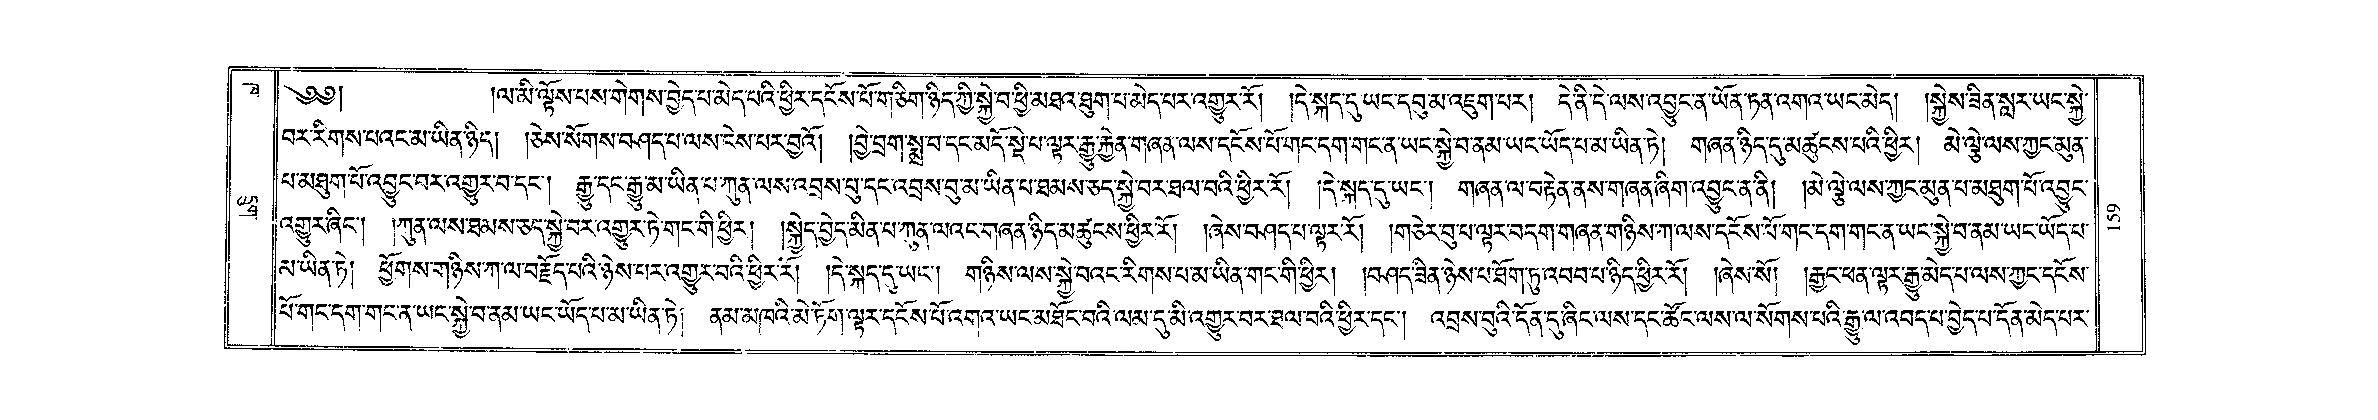༄༅། །ལ་མི་ལྟོས་པས་གེགས་བྱེད་པ་མེད་པའི་ཕྱིར་དངོས་པོ་གཅིག་ཉིད་ཀྱི་སྐྱེ་བ་ཕྱི་མཐའ་ཐུག་པ་མེད་པར་འགྱུར་རོ། །དེ་སྐད་དུ་ཡང་དབུ་མ་འཇུག་པར། དེ་ནི་དེ་ལས་འབྱུང་ན་ཡོན་ཏན་འགའ་ཡང་མེད། །སྐྱེས་ཟིན་སླར་ཡང་སྐྱེ་
བར་རིགས་པའང་མ་ཡིན་ཉིད། །ཅེས་སོགས་བཤད་པ་ལས་ངེས་པར་བྱའོ། །བྱེ་བྲག་སྨྲ་བ་དང་མདོ་སྡེ་པ་ལྟར་རྒྱུ་རྐྱེན་གཞན་ལས་དངོས་པོ་གང་དག་གང་ན་ཡང་སྐྱེ་བ་ནམ་ཡང་ཡོད་པ་མ་ཡིན་ཏེ། གཞན་ཉིད་དུ་མཚུངས་པའི་ཕྱིར། མེ་ལྕེ་ལས་ཀྱང་མུན་
པ་མཐུག་པོ་འབྱུང་བར་འགྱུར་བ་དང་། རྒྱུ་དང་རྒྱུ་མ་ཡིན་པ་ཀུན་ལས་འབྲས་བུ་དང་འབྲས་བུ་མ་ཡིན་པ་ཐམས་ཅད་སྐྱེ་བར་ཐལ་བའི་ཕྱིར་རོ། །དེ་སྐད་དུ་ཡང་། གཞན་ལ་བརྟེན་ནས་གཞན་ཞིག་འབྱུང་ན་ནི། །མེ་ལྕེ་ལས་ཀྱང་མུན་པ་མཐུག་པོ་འབྱུང་
འགྱུར་ཞིང་། །ཀུན་ལས་ཐམས་ཅད་སྐྱེ་བར་འགྱུར་ཏེ་གང་གི་ཕྱིར། །སྐྱེད་བྱེད་མིན་པ་ཀུན་ལའང་གཞན་ཉིད་མཚུངས་ཕྱིར་རོ། །ཞེས་བཤད་པ་ལྟར་རོ། །གཅེར་བུ་པ་ལྟར་བདག་གཞན་གཉིས་ཀ་ལས་དངོས་པོ་གང་དག་གང་ན་ཡང་སྐྱེ་བ་ནམ་ཡང་ཡོད་པ་
མ་ཡིན་ཏེ། ཕྱོགས་གཉིས་ཀ་ལ་བརྗོད་པའི་ཉེས་པར་འགྱུར་བའི་ཕྱིར་རོ། །དེ་སྐད་དུ་ཡང་། གཉིས་ལས་སྐྱེ་བའང་རིགས་པ་མ་ཡིན་གང་གི་ཕྱིར། །བཤད་ཟིན་ཉེས་པ་ཐོག་ཏུ་འབབ་པ་ཉིད་ཕྱིར་རོ། །ཞེས་སོ། །རྒྱང་ཕན་ལྟར་རྒྱུ་མེད་པ་ལས་ཀྱང་དངོས་
པོ་གང་དག་གང་ན་ཡང་སྐྱེ་བ་ནམ་ཡང་ཡོད་པ་མ་ཡིན་ཏེ། ནམ་མཁའི་མེ་ཏོག་ལྟར་དངོས་པོ་འགའ་ཡང་མཐོང་བའི་ལམ་དུ་མི་འགྱུར་བར་ཐལ་བའི་ཕྱིར་དང་། འབྲས་བུའི་དོན་དུ་ཞིང་ལས་དང་ཚོང་ལས་ལ་སོགས་པའི་རྒྱུ་ལ་འབད་པ་བྱེད་པ་དོན་མེད་པར་